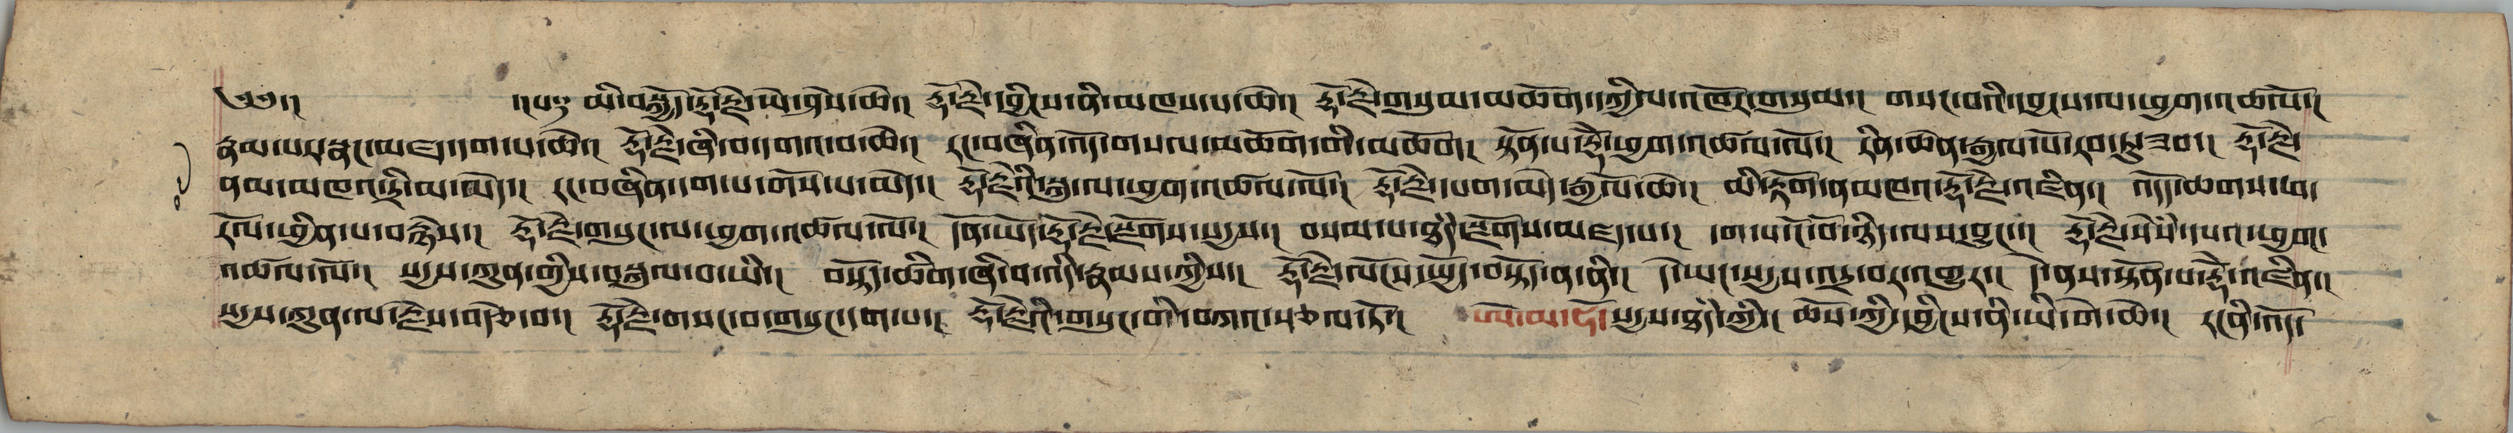༄༅་། ་།ས༑ མི་བསྐྱོད་རྡོ་རྗེ་ཡེ་ཤེས་ཆེ་། རྡོ་རྗེ་དབྱིངས་ནི་མཁས་པ་ཆེ་། རྡོ་རྗེ་གསུམ་མཆོག་དཀྱིལ་འཁོར་གསུམ་། གསང་བའི་དབྱངས་ལ་ཕྱག་འཚལོ་།
རྣམ་པར་སྣང་མཛད་དག་པཆེ་། རྡོ་རྗེ་ཞི་བ་དགའ་བ་ཆེ་། རང་བཞིན་འདོ་གསལ་མཆོག་གི་མཆོག། སྟོན་པ་རྡོེ་ཕྱག་འཚལ་ལོ་། རིན་ཆེན་རྒྱལ་པོ་རབ་ཏུ་ཟབ་། རྡོ་རྗེ་
ནམ་མཁའ་དྲི་མ་མེད་། རང་བཞིན་དག་པ་གོས་པ་མེད་། རྡོ་རྗེའི་སྐུ་ལ་ཕྱག་འཚལ་ལོ་། རྡོ་རྗེ་དཔག་མེད་རྒྱལོ་ཆེ་། མི་རྟོག་ནམཁའ་རྡོ་རྗེ་འཛིན་། འདོད་ཆགས་ཕ་
རོལ་ཕྱིན་པ་བརྙེས་། རྡོ་རྗེ་གསུང་ལ་ཕྱག་འཚལ་ལོ་། དོན་ཡོད་རྡོ་རྗེ་སྫོགས་སདྱས་། བསམ་པ་ཐཾད་སྫོགས་མཛད་པ་། དག་པ་ངོ་བོ་ཉིད་ལས་བྱུང་་། རྡོ་རྗེ་སེཾས་དཔའ་ཕྱག་
འཚལ་ལོ་། སདྱས་ཀུན་གྱིས་བསྐུལ་བ་ཡི་། བསྟོད་ཚིག་ཞི་བ་འདི་རྣམས་ཀྱིས་། རྡོ་རྗེ་ལོངས་སྤྱོད་བསྟོད་ན་ནི་། དེ་ཡང་སདྱས་འདྲ་བར་འགྱུར་། དེ་ནས་སྟོན་པ་རྡོེ་འཛིན་།
སདྱས་ཀུན་ལ་རྗེས་བརྩེ་བ་། རྡོ་རྗེ་གསང་བ་གསུང་དག་པ་། རྡོ་རྗེ་གསུང་གི་བཀའ་སྩལ་ཏོ་། ཨེ་མ་ཧོ་སདྱས་ཐཾད་ཀྱི་། ཆོས་ཀྱི་དབྱིངས་ནི་ཡི་གེ་ཆེ་། རངིན་འོད་